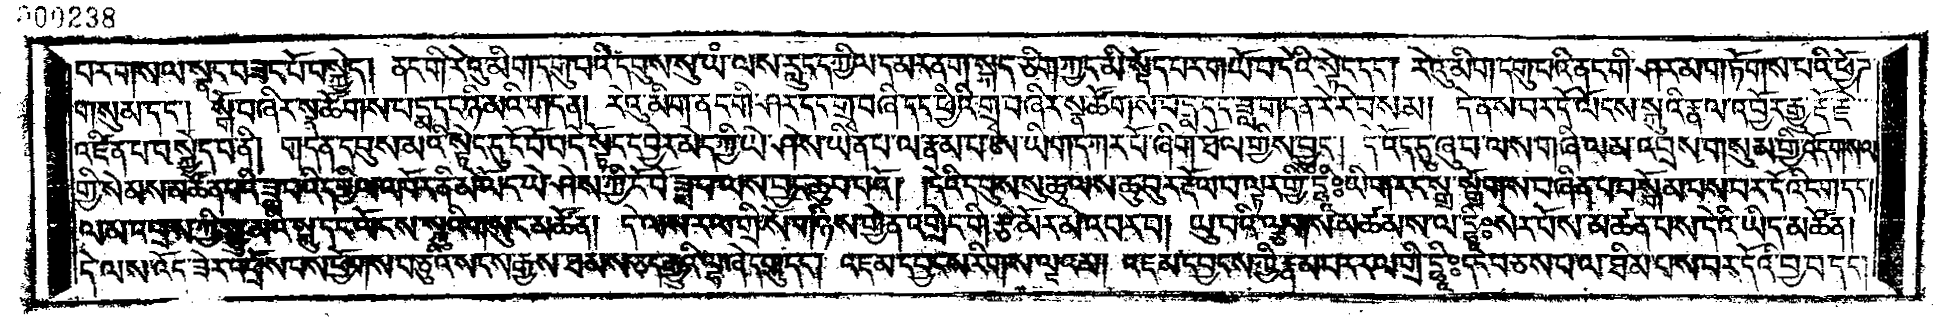པར་གསལ་སྣང་བཟང་པོ་བསྐྱེད། ནང་གི་རེའུ་མིག་དགུ་པའི་དབུས་སུ་ཡཾ་ལས་རླུང་དཀྱིལ་དམར་ནག་སྐད་ཅིག་ཀྱང་མི་སྡོད་པར་གཡོ་བ་དེའི་སྟེང་དང་། རེའུ་མིག་དགུ་པའི་ནང་གི་ཤར་མ་གཏོགས་པའི་ཕྱོགས་
གསུམ་དང་། སྒོ་བཞིར་སྣ་ཚོགས་པདམ་དང་ཉི་མའི་གདན། རེའུ་མིག་ནང་གི་ཤར་དང་གྲྭ་བཞི་དང་ཕྱིའི་གྲྭ་བཞིར་སྣ་ཚོགས་པདམ་དང་ཟླ་གདན་རེ་རེ་བསམ། དེ་ནས་བར་དོ་ལོངས་སྐུའི་རྣལ་འབྱོར་རྒྱུ་རྡོ་རྗེ་
འཛིན་པ་བསྐྱེད་པ་ནི། གདན་དབུས་མའི་སྟེང་དུ་ངོ་བོ་བདེ་སྟོང་དབྱེར་མེད་ཀྱི་ཡེ་ཤེས་ཡིན་པ་ལ་རྣམ་པ་ཨ་ཡིག་དཀར་པོ་ཞིག་ཐོལ་གྱིས་བྱུང་། དེ་འོད་དུ་ཞུ་བ་ལས་གཞི་ལམ་འབྲས་གསུམ་གྱི་འོད་གསལ་
གྱི་སེམས་མཚོན་པའི་ཟླ་བའི་དཀྱིལ་འཁོར་ནི་མེ་ལོང་ཡེ་ཤེས་ཀྱི་ངོ་བོ་ཟླ་བ་ལས་བྱང་ཆུབ་པའོ། །དེའི་དབུས་སུ་ཆུ་ལས་ཆུ་བུར་རྡོལ་བ་ལྟར་གྱི་དྷཱིཿ ཡིག་རང་སྒྲ་སྒྲོགས་བཞིན་པ་བསྒོམ་པས་བར་དོའི་ངག་དང་།
ལམ་འབྲས་ཀྱི་སྒྱུ་མའི་སྐུ་དང་ལོངས་སྐུའི་གསུང་མཚོན། དེ་ལས་རལ་གྲི་སོ་གཉིས་གྱེན་འགྲེང་གི་རྩེ་མོར་མེ་འབར་བ། ཡུ་བའི་ལྕགས་མཚམས་ལ་དྷཱིཿ སེར་པོས་མཚན་པས་དེའི་ཡིད་མཚོན།
དེ་ལས་འོད་ཟེར་འཕྲོས་པས་ཕྱོགས་བཅུའི་སངས་རྒྱས་ཐམས་ཅད་རྒྱུའི་ལྷ་ཞེ་དགུ་དང་། འཇམ་དབྱངས་རིགས་ལྔའམ། འཇམ་དབྱངས་ཀྱི་རྣམ་པར་རལ་གྲི་དྷཱིཿ དང་བཅས་པ་ལ་ཐིམ་པས་བར་དོའི་བྱ་བ་དང་།